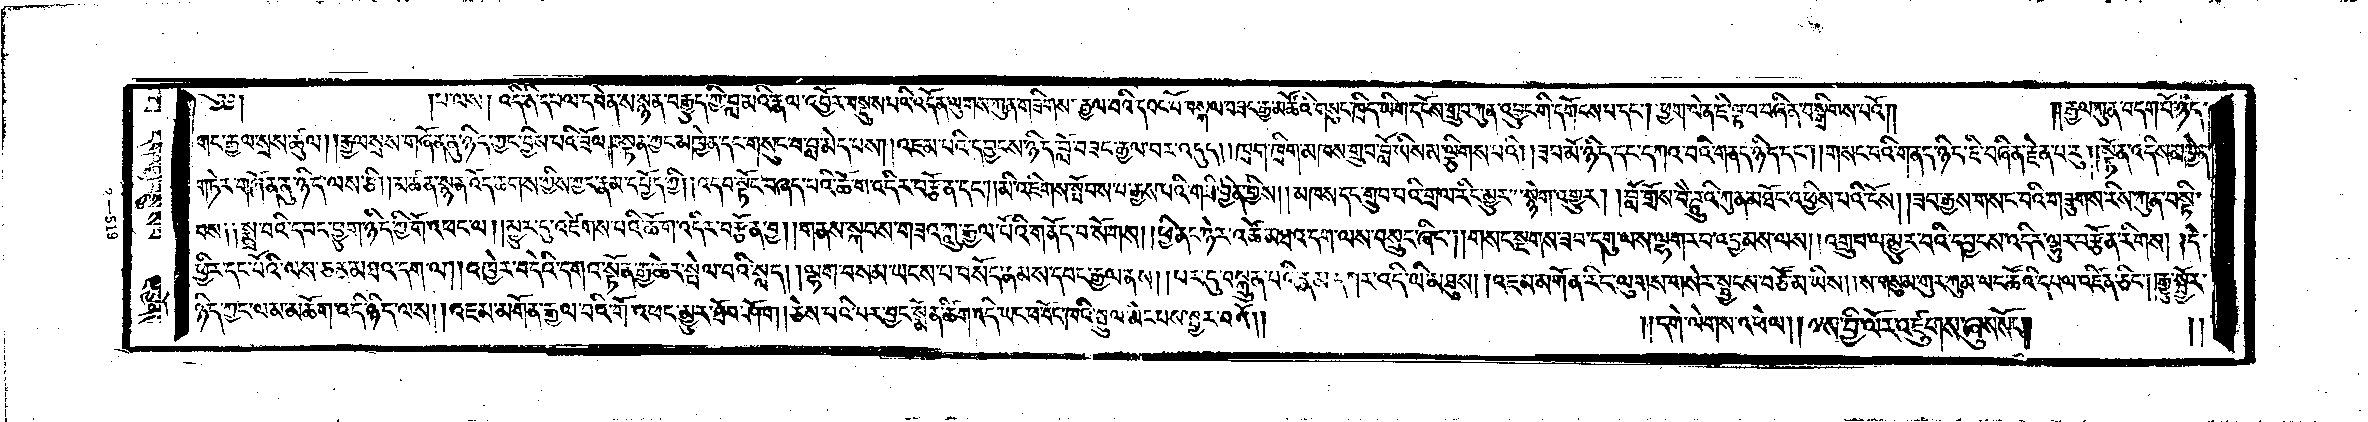༄༅། །པ་ལས། འདི་ནི་དཔལ་དབེན་ས་སྙན་བརྒྱུད་ཀྱི་བླ་མའི་རྣལ་འབྱོར་བསྡུས་པའི་འདོན་ལུགས་ཀུན་གཟིགས་རྒྱལ་བའི་དབང་པོ་བསྐལ་བཟང་རྒྱ་མཚོའི་གསུང་ཁྲིད་ཡིག་དངོས་གྲུབ་ཀུན་འབྱུང་གི་དགོངས་པ་དང་། ཕྱག་ལེན་ཇི་ལྟ་བ་བཞིན་བསྒྲིགས་པའོ།། །།རྒྱལ་ཀུན་བདག་པོ་ཉིད་
གང་རྒྱལ་སྲས་ཚུལ། །རྒྱལ་སྲས་གཞོན་ནུ་ཉིད་ཀྱང་བྱིས་པའི་ཟོལ་།བསྟན་ཀྱང་མཁྱེན་དང་གསུང་བ་བླ་མེད་པས། །འཇམ་པའི་དབྱངས་ཉིད་བློ་བཟང་རྒྱལ་བར་འདུད། །ཁྲག་ཁྲིག་མཁས་གྲུབ་བློ་ཡིས་མ་ལྕིགས་པའི། །ཟབ་མོ་ཉིད་དང་དཀའ་བའི་གནད་ཉིད་དང་། །གསང་བའི་གནད་ཉིད་ཇི་བཞིན་རྗེན་པ་རུ། །སྟོན་འདིས་མཁྱེན་
གཏེར་གཞོན་ནུ་ཉིད་ལས་ཅི། །མཚན་སྙན་འོད་ཆགས་ཀྱིས་ཀྱང་རྣམ་དཔྱོད་ཀྱི། །འདབ་སྟོང་བཞད་པའི་ཆོ་ག་འདིར་བརྩོན་དང་། །མི་འཇིགས་སྤོབས་པ་རྒྱས་པའི་གཞི་བྱིན་གྱིས། །མཁས་དང་གྲུབ་པའི་གྲལ་རིང་མྱུར་སྙེག་འགྱུར། །གློ་གྲོས་དཻ་ཌཱུའི་ཀུན་མཐོང་བའི་ངོས། །ཟབ་རྒྱས་གསང་བའི་གཟུགས་རིས་ཀུན་བསྟི་
བས༑ ༑སྨྲ་བའི་དབང་ཕྱུག་ཉིད་ཀྱི་གོ་འཕང་ལ། །མྱུར་དུ་འཛེགས་པའི་ཆོ་ག་འདིར་བརྩོན་བྱ། །གནས་སྐབས་གཟའ་ཀླུ་རྒྱལ་བོའི་གནོད་བ་སོགས། །ཕྱི་ནང་ཉེར་འཚེ་མཐའ་དག་ལས་བསྲུང་ཞིང་། །གསང་སྔགས་ཟབ་དགུ་ལས་ལྷག་རབ་འབྱམས་ལས། །འགྲུབ་ལ་མྱུར་བའི་དབྱངས་འདིར་ལྷུར་བརྩོན་རིགས། །དེ་
ཕྱིར་དང་པོའི་ལས་ཅན་མཐའ་དག་ལ། །འཁྱེར་བདེའི་དགའ་སྟོན་རྒྱ་ཆེར་སྤེལ་བའི་སླད། །ལྷག་བསམ་ཡངས་པ་བསོད་ནམས་དབང་རྒྱལ་ནས། །པར་དུ་བསྐྲུན་པའི་རྣམ་དཀར་འདི་ཡི་མཐུས། །འཇམ་མགོན་རིང་ལུགས་གསེར་སྦྱངས་བཙོམ་ཡིས། །ས་གསུམ་གུར་ཀུམ་ལང་ཚོའི་དཔལ་འཛིན་ཅིང་། །རྒྱུ་སྦྱོར་
ཉིད་ཀྱང་ལམ་མཆོག་འདི་ཉིད་ལས། །འཇམ་མགོན་རྒྱལ་བའི་གོ་འཕང་མྱུར་ཐོབ་ཤོག །ཅེས་པའི་པར་བྱང་སྨོན་ཚིག་འདི་ཡང་ཕ་བོང་ཁའི་སྤྲུལ་མིང་པས་སྤྱར་བའོ།། །།དགེ་ལེགས་འཕེལ།། ༧ས་བྱི་ལོར་འཛུགས་ཞུས་སོང།། །།